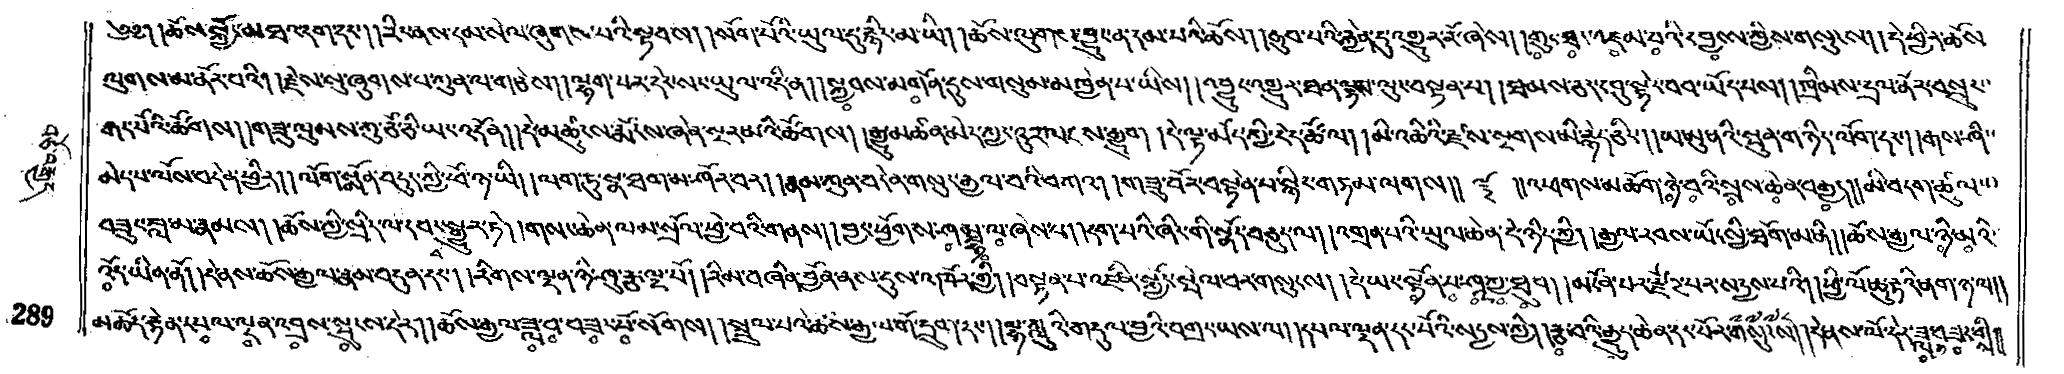༄༅། །ཆོས་སྐྱོང་མཐའ་དག་དང་། །རིང་ནས་དམ་སེལ་ཞུགས་པའི་སྟབས། །སོག་པོའི་ཡུལ་དུ་རྙིང་མ་ཡི། །ཆོས་ལུགས་བྱུང་ན་དམ་པའི་ཆོས། །ནུབ་པའི་རྐྱེན་དུ་འགྱུར་རོ་ཞེས། །གུང་ཐང་འཇམ་པའི་དབྱངས་ཀྱིས་གསུངས། །དེ་ཕྱིར་ཆོས་
ལུགས་མ་ནོར་བའི། །རྗེས་སུ་ཞུགས་པ་ཀུན་ལ་གཅེས། །ལྷག་པར་དེང་སང་ཡུལ་འདི་ན། །སྐྱབས་མགོན་དུས་གསུམ་མཁྱེན་པ་ཡིས། །འབྱུང་འགྱུར་ཐན་ལྟས་ལུང་བསྟན་པ། །ཐམས་ཅད་དབུ་སྟེང་བབ་ཡོད་པས། །ཁྲིམས་དྲལ་ནོར་བསྲུང་
གང་པོའི་ཚོགས། །གཟུ་ལུམས་ཀུ་ཅོ་ཅི་ཡང་འདོན། །དེ་མཚུངས་རྨོངས་ཞེན་སྔར་མའི་ཚོགས། །སྒྱུ་མཚན་མེད་ཀྱང་འུར་ལངས་རྒྱུབ། །དེ་ལྟ་མོད་ཀྱི་ངེད་ཚོ་ལ། །མི་འཆིའི་རྫས་སྔགས་མི་རྙེད་ཅིང་། །ཡ་མུ་ནའི་སྤུན་གཉིད་ལོག་དང་། །རྒས་ཤི་
མེད་པ་ལོས་བདེན་ཕྱིར། །ལོག་སྨོན་བདུད་ཀྱི་ཕོ་ཉ་ཡི། །ལག་ཏུ་སྣ་ཐག་མ་ཤོར་བར། །རྣམ་ཀུན་བདེན་གསུང་རྒྱལ་བའི་བཀའ། །གཟུ་བོར་བསྟེན་པ་སྙིང་གཏམ་ལགས།། ༈ །།འཕགས་མཆོག་ཉེ་བའི་སྲས་ཆེན་བརྒྱད། །མི་བདག་ཚུལ་
བཟུང་བླ་མ་རྣམས། །ཆོས་ཀྱི་སྲིད་ལ་དབང་སྒྱུར་ཏེ། །གསང་ཆེན་ལམ་སྲོལ་ཕྱེ་བའི་གནས། །བྱང་ཕྱོགས་ཤམྦྷ་ལ་ཞེས་པ། །དག་པའི་ཞིང་གི་སྣོད་བཅུད་ལ། །འགྲན་པའི་ཡུལ་ཆེན་དེ་ཉིད་ཀྱི། །རྒྱལ་རབས་ཡོང་སྱི་ཐོག་མ་ནི། །ཆོས་རྒྱལ་ཉི་མའི་
འོད་ཡིན་ནོ། །དེ་ནས་ཆོས་རྒྱལ་རྣམ་བདུན་དང་། །རིགས་ལྡན་ཉི་ཤུ་རྩ་ལྔ་པོ། །རིམ་བཞིན་བྱོན་ནས་དུས་འཁོར་གྱི། །བསྟན་པ་འཛིན་སྐྱོང་སྤེལ་བར་གསུངས། །དེ་ཡང་སྟོན་པ་ཤཱཀྱ་ཐུབ། །མངོན་པར་རྫོགས་པར་སངས་རྒྱས་པའི། །ཕྱི་ལོ་ཆུ་རྟའི་ནག་ཉ་ལ།།
མཆོད་རྟེན་དཔལ་ལྡན་འབྲས་སྤུངས་དེར། །ཆོས་རྒྱལ་ཟླ་བ་བཟང་པོ་སོགས། །སྤྲུལ་པའི་ཆོས་རྒྱལ་གོ་དྲུག་དང་། །ལྷ་ཀླུའི་གདུལ་བྱའི་བགྲང་ཡས་ལ། །དཔལ་ལྡན་དང་བོའི་སངས་རྒྱས་ཀྱི། །རྩ་བའི་རྒྱུད་ཆེན་དང་བོར་གསུངས། །དེ་ནས་ལོ་དེར་ཟླ་བཟང་གིས།།